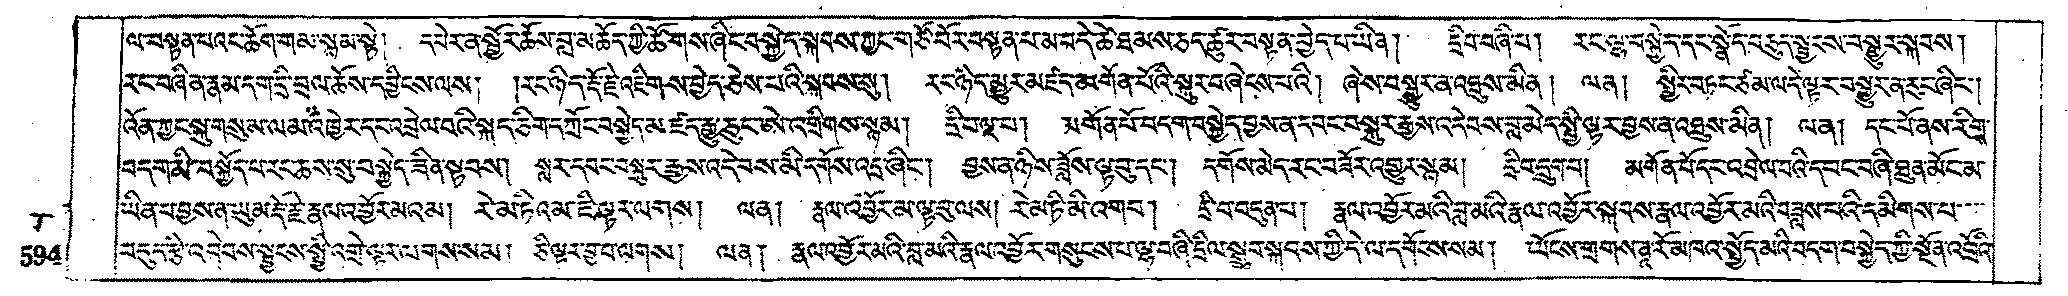ལ་བསྟན་པའང་ཆོག་གམ་སྙམ་སྟེ། དཔེར་ན་སྦྱོར་ཆོས་བླ་མཆོད་ཀྱི་ཚོགས་ཞིང་བསྐྱེད་སྐབས་ཀྱང་གཙོ་བོར་བསྟན་པ་མ་བདེ་ཚེ་ཐམས་ཅད་ཚུར་བསྟན་བྱེད་པ་ཡིན། དྲི་བ་བཞི་པ། རང་ལྷ་བསྐྱེད་དང་སྣོད་བཅུད་སྦྱངས་བསྒྱུར་སྐབས།
རང་བཞིན་རྣམ་དག་དྲི་བྲལ་ཆོས་དབྱིངས་ལས། །རང་ཉིད་རྡོ་རྗེ་འཇིགས་བྱེད་ཅེས་པའི་སྐབས་སུ། རང་ཉིད་མྱུར་མཛད་མགོན་པོའི་སྐུར་བཞེངས་པའི། ཞེས་བསྒྱུར་ན་འཐུས་མིན། ལན། སྤྱིར་བཏང་ཙམ་ལ་དེ་ལྟར་བསྒྱུར་ན་རུང་ཞིང་།
འོན་ཀྱང་སྐུ་གསུམ་ལམ་འཁྱེར་དང་འབྲེལ་བའི་སྐད་ཅིག་དཀྲོང་བསྐྱེད་མཛད་རྒྱུ་ཅུང་ཨེ་འགྲིགས་སྙམ། དྲི་བ་ལྔ་པ། མགོན་པོ་བདག་བསྐྱེད་བྱས་ན་དབང་བསྐུར་རྒྱས་འདེབས་བླ་མེད་སྤྱི་ལྟར་བྱས་ན་འཐུས་མིན། ལན། དང་པོ་ནས་རིགས་
བདག་མི་བསྐྱོད་པ་རང་ཆས་སུ་བསྐྱེད་ཟིན་སྟབས། སླར་དབང་བསྐུར་རྒྱས་འདེབས་མི་དགོས་འདྲ་ཞིང་། བྱས་ན་ཉིས་ཟློས་ལྟ་བུ་དང་། དགོས་མེད་རང་བཟོར་འགྱུར་སྙམ། དྲི་བ་དྲུག་པ། མགོན་པོ་དང་འབྲེལ་བའི་དབང་བཞི་ཐུན་མོང་མ་
ཡིན་པ་བྱས་ན་ཡུམ་རྡོ་རྗེ་རྣལ་འབྱོར་མའམ། རེ་མ་ཏིའམ་ཇི་ལྟར་ལགས། ལན། རྣལ་འབྱོར་མ་ལྟ་བུ་ལས། རེ་མ་ཏི་མི་འགབ། དྲི་བ་བདུན་པ། རྣལ་འབྱོར་མའི་བླ་མའི་རྣལ་འབྱོར་སྐབས་རྣལ་འབྱོར་མའི་བཟླས་པའི་དམིགས་པ་་་
བདུད་རྩི་འབེབས་སྦྱངས་སྤྱི་འགྲེ་ལྟར་ལགས་སམ། ཅི་ལྟར་བྱ་བ་ལགས། ལན། རྣལ་འབྱོར་མའི་བླ་མའི་རྣལ་འབྱོར་གསུངས་པ་ལྷ་བཞི་དྲིལ་སྒྲུབ་སྐབས་ཀྱི་དེ་ལ་དགོངས་སམ། ཡོངས་གྲགས་ནཱ་རོ་མཁའ་སྤྱོད་མའི་བདག་བསྐྱེད་ཀྱི་སྔོན་འགྲོའི་